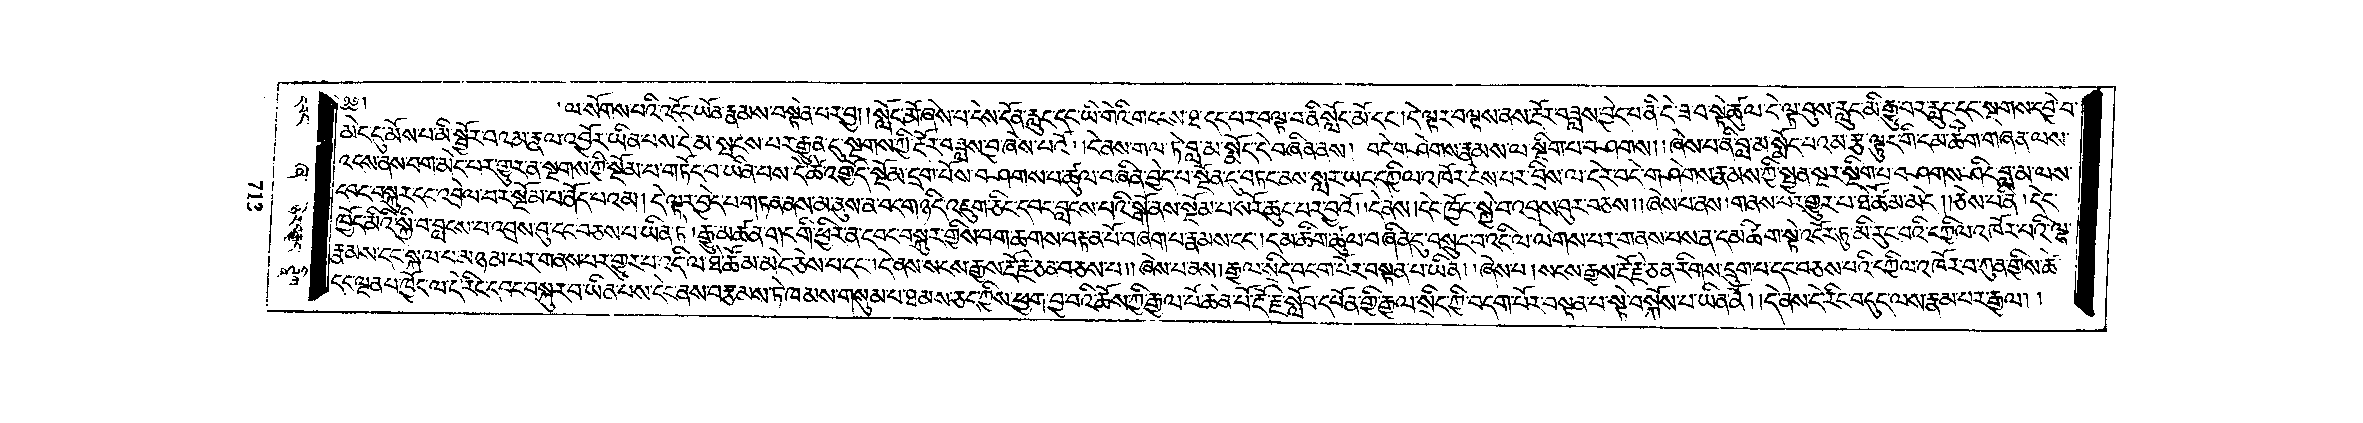༄༅། །ལ་སོགས་པའི་འདོད་ཡོན་རྣམས་བསྟེན་པར་བྱ། །སློང་མོ་ཞེས་པ་ངེས་དོན་རླུང་དང་ཡི་གེའི་གདངས་ཐ་དད་པར་བལྟ་བ་ནི་སློང་མོ་དང་། དེ་ལྟར་བལྟས་ནས་རྡོར་བཟླས་བྱེད་པ་ནི་དེ་ཟ་བ་སྟེ་ཚུལ་དེ་ལྟ་བུས་རླུང་མི་རྒྱུ་བར་རླུང་དང་སྔགས་དབྱེ་བ་
མེད་དུ་མོས་པ་མི་སྦྱོར་བའམ་རྣལ་འབྱོར་ཡིན་པས་དེ་མ་སྤངས་པར་རྒྱུན་དུ་སྔགས་ཀྱི་རྡོར་བཟླས་བྱ་ཞེས་པའོ། །དེ་ནས་གལ་ཏེ་བླ་མ་སྨོད་དེ་བཞིན་ནས། བདེ་གཤེགས་རྣམས་ལ་སྡིག་པ་བཤགས། །ཞེས་པ་ནི་བླ་མ་སྨོད་པའམ་རྩ་ལྟུང་གི་དམ་ཚིག་གཞན་ལས་
འདས་ནས་བག་མེད་པར་གྱུར་ན་སྔགས་ཀྱི་སྡོམ་པ་གཏོང་བ་ཡིན་པས་དེ་ཚེ་འགྱོད་སྡོམ་དྲག་པོས་བཤགས་པ་ཚུལ་བཞིན་བྱེད་པ་སྔོན་དུ་བཏང་ནས་སླར་ཡང་དཀྱིལ་འཁོར་ངེས་པར་བྲིས་ལ་དེར་བདེ་གཤེགས་རྣམས་ཀྱི་སྤྱན་སྔར་སྡིག་པ་བཤགས་ཤིང་བླ་མ་ལས་
དབང་བསྐུར་དང་འབྲེལ་བར་སྡོམ་པ་ནོད་པའམ། དེ་ལྟར་བྱེད་པ་གཏན་ནས་མ་ནུས་ན་བདག་ཉིད་འཇུག་ཅིང་དབང་བླངས་པའི་སྒོ་ནས་སྡོམ་པ་སོར་ཆུང་པར་བྱའོ། །དེ་ནས། དེང་ཁྱོད་སྐྱེ་བ་འབྲས་བུར་བཅས། །ཞེས་པ་ནས། གནས་པར་གྱུར་པ་ཐེ་ཚོམ་མེད། །ཅེས་པ་ནི། དེང་
ཁྱོད་མིའི་སྐྱི་བ་བླངས་པ་འབྲས་བུ་དང་བཅས་པ་ཡིན་ཏེ། རྒྱུ་མཚན་གང་གི་ཕྱིར་ན་དབང་བསྐུར་གྱིས་བག་ཆགས་བརྟན་པོ་བཞག་པ་རྣམས་དང་། དམ་ཚིག་ཚུལ་བཞིན་དུ་བསྲུང་བ་འདི་ལ་ལེགས་པར་གནས་པས་ན་དམ་ཚིག་སྟེ་འདོར་ཏུ་མི་རུང་བའི་དཀྱིལ་འཁོར་པའི་ལྷ་
རྣམས་དང་སྐལ་པ་མཉམ་པར་གནས་པར་གྱུར་པ་འདི་ལ་ཐེ་ཚོམ་མེད་ཅེས་པ་དང་། དེ་ནས་སངས་རྒྱས་རྡོ་རྗེ་ཅན་བཅས་པ། །ཞེས་པ་ནས། རྒྱལ་སྲིད་བདག་པོར་བསྟན་པ་ཡིན། །ཞེས་པ། སངས་རྒྱས་རྡོ་རྗེ་ཅན་རིགས་དྲུག་པ་དང་བཅས་པའི་དཀྱིལ་འཁོར་བ་ཀུན་གྱིས་ཚེ་
དང་ལྡན་པ་ཁྱོད་ལ་དེ་རིང་དབང་བསྐུར་བ་ཡིན་པས་དེང་ནས་བརྩམས་ཏེ་ཁམས་གསུམ་པ་ཐམས་ཅད་ཀྱིས་ཕྱག་བྱ་བའི་ཆོས་ཀྱི་རྒྱལ་པོ་ཆེན་པོ་རྡོ་རྗེ་སློབ་དཔོན་གྱི་རྒྱལ་སྲིད་ཀྱི་བདག་པོར་བསྟན་པ་སྟེ་བསྐོས་པ་ཡིན་ནོ། །དེ་ནས་དེ་རིང་བདུད་ལས་རྣམ་པར་རྒྱལ། །